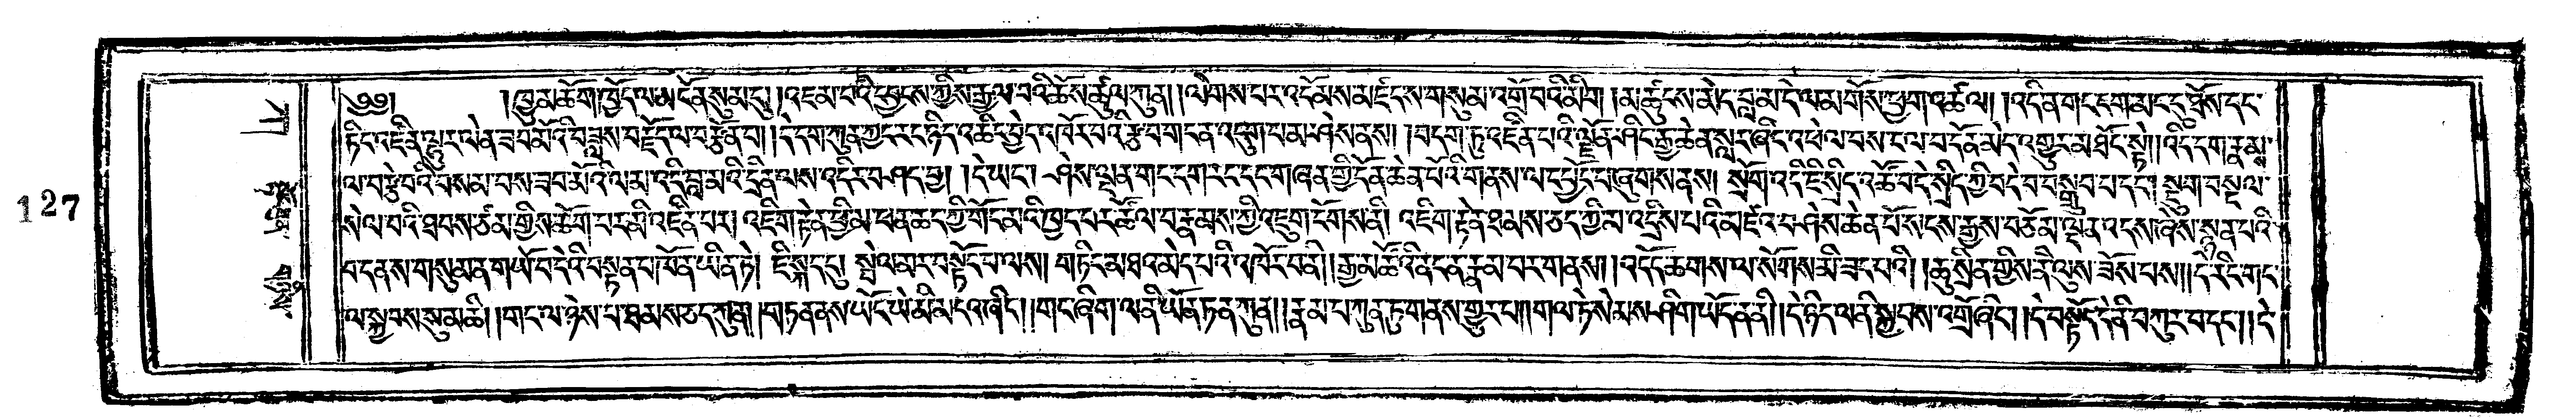༄༅། །ཁྱུ་མཆོག་ཁྱོད་ལ་མངོན་སུམ་དུ། །འཇམ་པའི་དབྱངས་ཀྱིས་རྒྱལ་བའི་ཆོས་ཆུལ་ཀུན། །ལགས་པར་འདོམས་མཛད་ས་གསུམ་འགྲོ་བའི་མིག །མཚུངས་མེད་བླ་མ་དེ་ལ་མགོས་ཕྱག་འཚལ། །འདི་ན་གང་དག་མང་དུ་ཐོས་དང་
ཏིང་འཛིན་ལྷུར་ལེན་ཟབ་མོའི་བཟླས་བརྗོད་ལ་བརྩོན་པ། །དེ་དག་ཀུན་ཀྱང་རང་ཉིད་འཆིང་བྱེད་འཁོར་བའི་རྩ་བ་གང་ན་འདུག་པ་མ་ཤེས་ནས། །བདག་ཏུ་འཛིན་པའི་ལྗོན་ཤིང་རྒྱ་ཆེན་སླར་ཞིང་འཕེལ་བས་ངལ་བ་དོན་མེད་འགྱུར་མཐོང་སྟེ། །འདི་དག་རྣམས་
ལ་བརྩེ་བའི་བསམ་པས་ཟབ་མོའི་ལམ་འདི་བླ་མའི་དྲིན་ལས་འདིར་བཤད་བྱ། །དེ་ཡང་། ཤེས་ལྡན་གང་དག་རང་དང་གཞན་གྱི་དོན་ཆེན་པོའི་གནས་ལ་དཔྱོད་པ་ཞུགས་ནས། སྲོག་འདི་ཇི་སྲིད་འཚོ་བ་དེ་སྲིད་ཀྱི་བདེ་བ་བསྒྲུབ་པ་དང་། སྡུག་བསྔལ་
སེལ་བའི་ཐབས་ཙམ་གྱིས་ཆོག་པར་མི་འཛིན་པར། འཇིག་རྟེན་ཕྱི་མ་ཕན་ཆད་ཀྱི་གོང་མའི་ཁྱད་པར་ཚོལ་བ་རྣམས་ཀྱི་འཇུག་དོགས་ནི། འཇིག་རྟེན་ཐམས་ཅད་ཀྱི་མ་འདྲིས་པའི་མཛའ་བཤེས་ཆེན་པོ་སངས་རྒྱས་བཅོམ་ལྡན་འདས་ཞེས་སྙན་པའི་
བདན་ས་གསུམ་ན་གཡོ་བ་དེའི་བསྟན་པ་ཁོ་ན་ཡིན་ཏེ། ཇི་སྐད་དུ། སྤེལ་བར་བསྟོང་པ་ལས། གཏིང་མཐའ་མེད་པའི་འཁོར་བ་ནི། །རྒྱ་མཚོའི་ནང་ན་རྣམ་པར་གནས། །འདོད་ཆགས་ལ་སོགས་མི་ཟད་པའི། །ཆུ་སྲིན་གྱིས་ནི་ལུས་ཟོས་པས། །དེ་རིང་གང་
ལ་སྐྱབས་སུ་མཆི། །གང་ལ་ཉེས་པ་ཐམས་ཅད་ཀུན། །གཏན་ནས་ཡོང་ཡེ་མི་མངའ་ཞིང་། །གང་ཞིག་ལ་ནི་ཡོན་ཏན་ཀུན། །རྣམ་པ་ཀུན་ཏུ་གནས་གྱུར་པ། །གལ་ཏེ་སེམས་ཤིག་ཡོད་ན་ནི། །དེ་ཉིད་ལ་ནི་སྐྱབས་འགྲོ་ཞིང་། །དེ་བསྟོད་དེ་ནི་བཀུར་བ་དང་། །དེ་